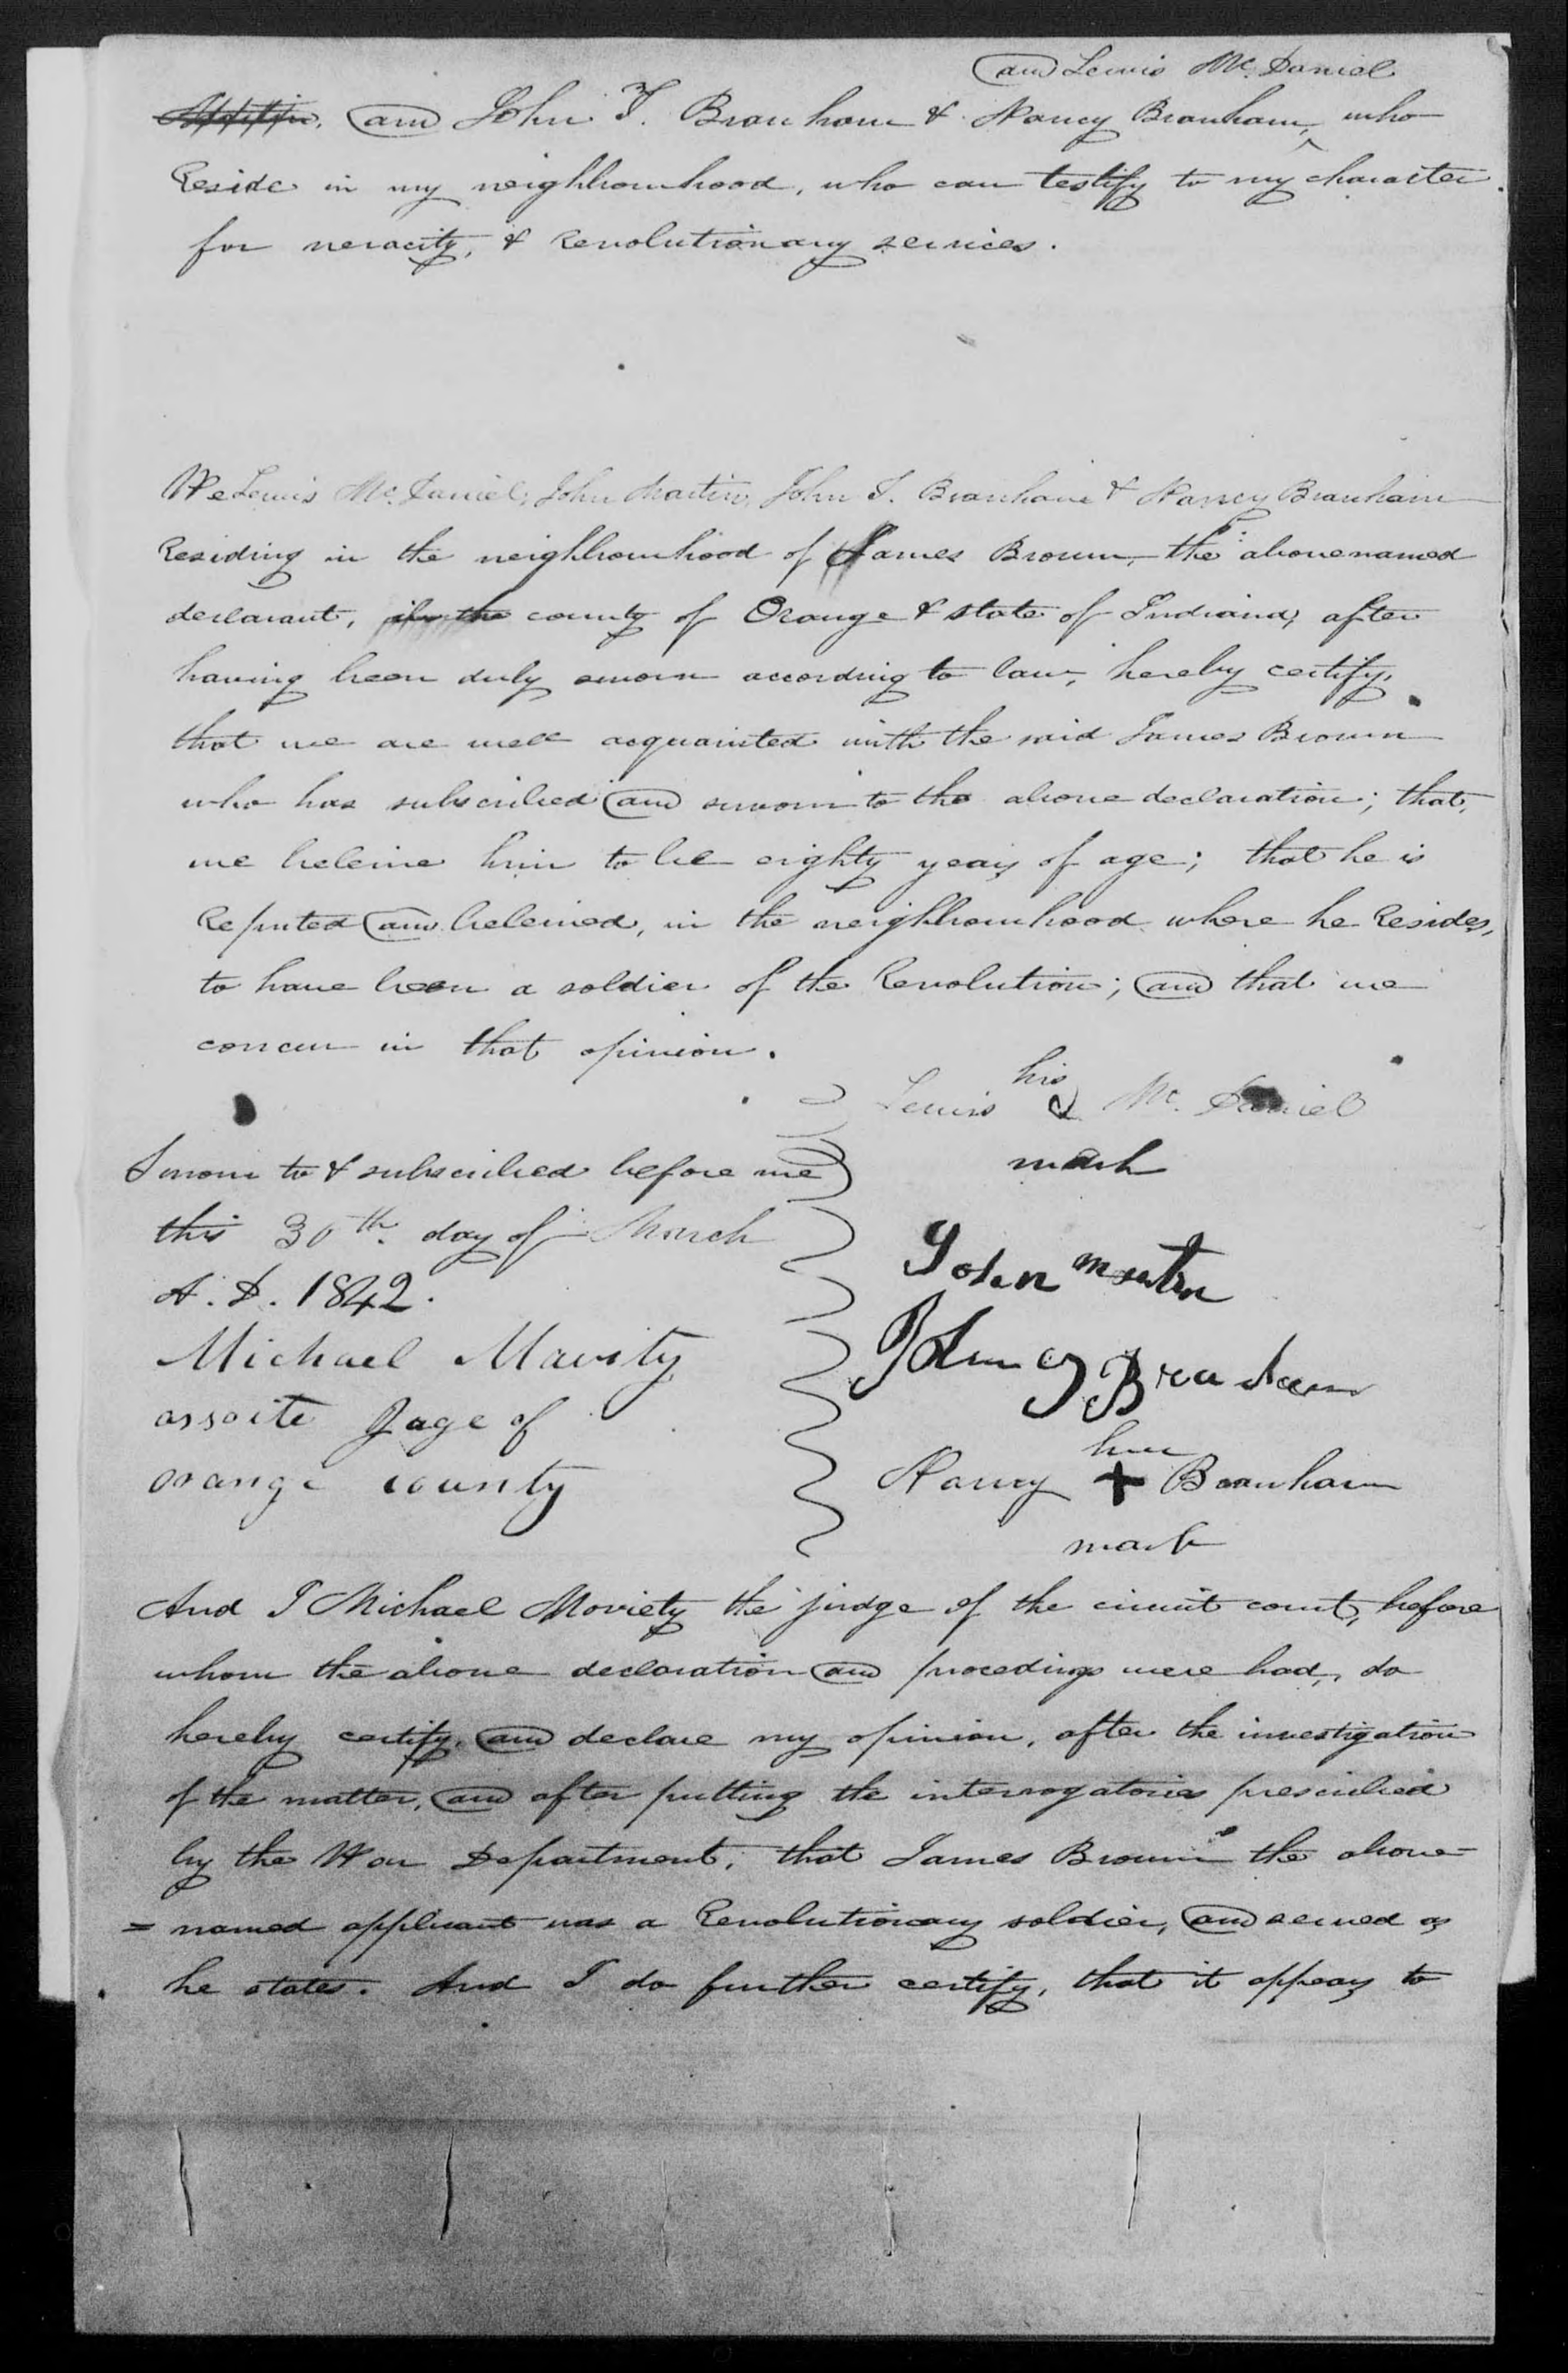and Lewis McDaniel and John T. Branham & Nancy Branham who
reside in my neighbourhood, who can testify to my character for veracity, & Revolutionary services.

We Lewis Mc Daniel John Martin, John T. Branham & Nancy Branham
residing in the neighbourhood of James Brown, the above named
declarant, in the County of Orange & State of Indiana, after
having been duly sworn according to law, hereby certify that we are well acquainted with the said James Brown who has subscribed and sworn to the above declaration; that
we believe him to be eighty years of age; that  he is Reputed and believed, in the neighborhood where he resides, to have been a soldier of the Revolution; and that we concur in that opinion, Lewis McDaniel X his mark
s/ John Martin John Branham
Nancy Branham X her mark
Sworn to & subscribed before me
this 30th day of March A.D. 1842
s/ Michael Mavity Associatee Judge of Orange County

And I Michael Mavity the judge of the circuit court, before whom the above declaration and proceedings were had, do hereby certify and declare my opinion, after the investigation
of the matter, and after putting the interrogatories presented by the War Department, that James Brown the above named applicant was a Revolutionary soldier, and served as
he states. And I do further certify, that it appears to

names: Nancy Branham, Martin, Michael Moviety, John Martin, John T Branham, James Brown, James Brown, John T Branham, John Martin, Michael Mavity, Nancy Branham, Lewis Mc Daniel, Nancy Branham, Lewis Mc Daniel, John T Branham, James Brown, Lewis Mc Daniel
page: 12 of 41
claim: rejected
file: R. 1309, James Brown, S.C.